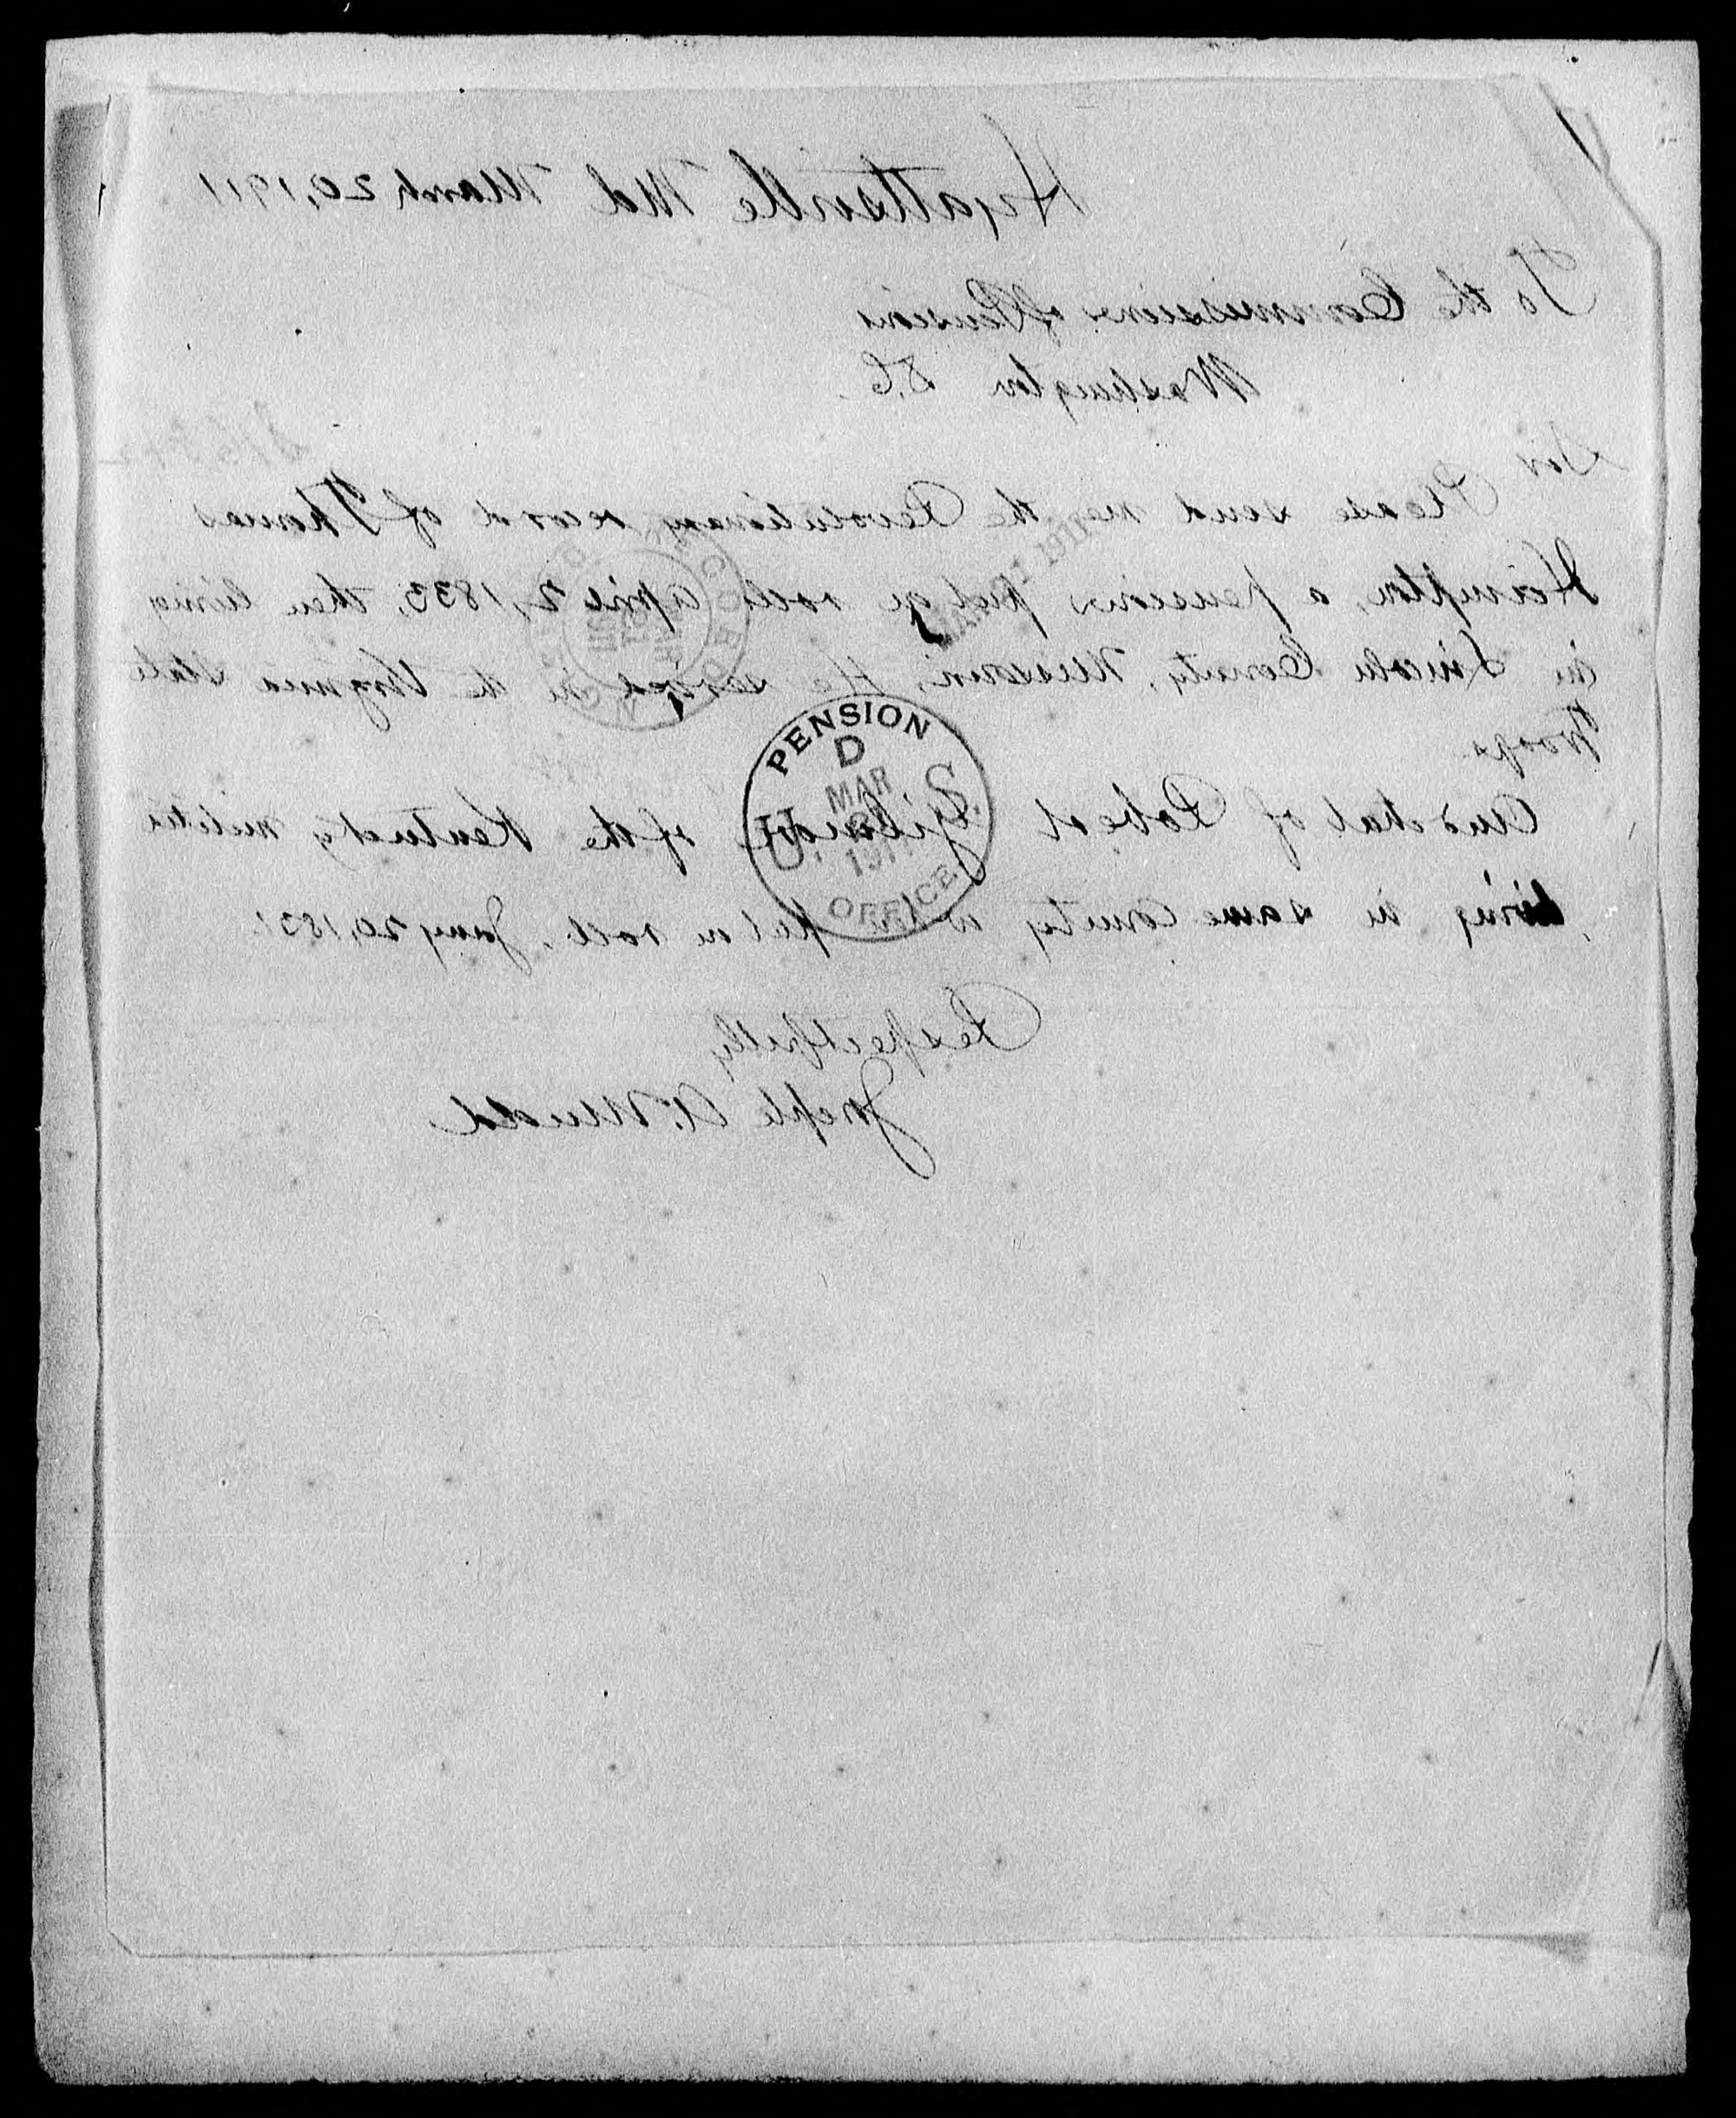[Stamp:]
U. S. PENSION OFFICE. D
MAR 21 1911

[Stamp:]
RECORDS DIVISION
MAR 21 1911

[Stamp:]
MAR 21  1911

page: 24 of 26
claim: survivor's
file: S. 16842, Thomas Hampton, Va.